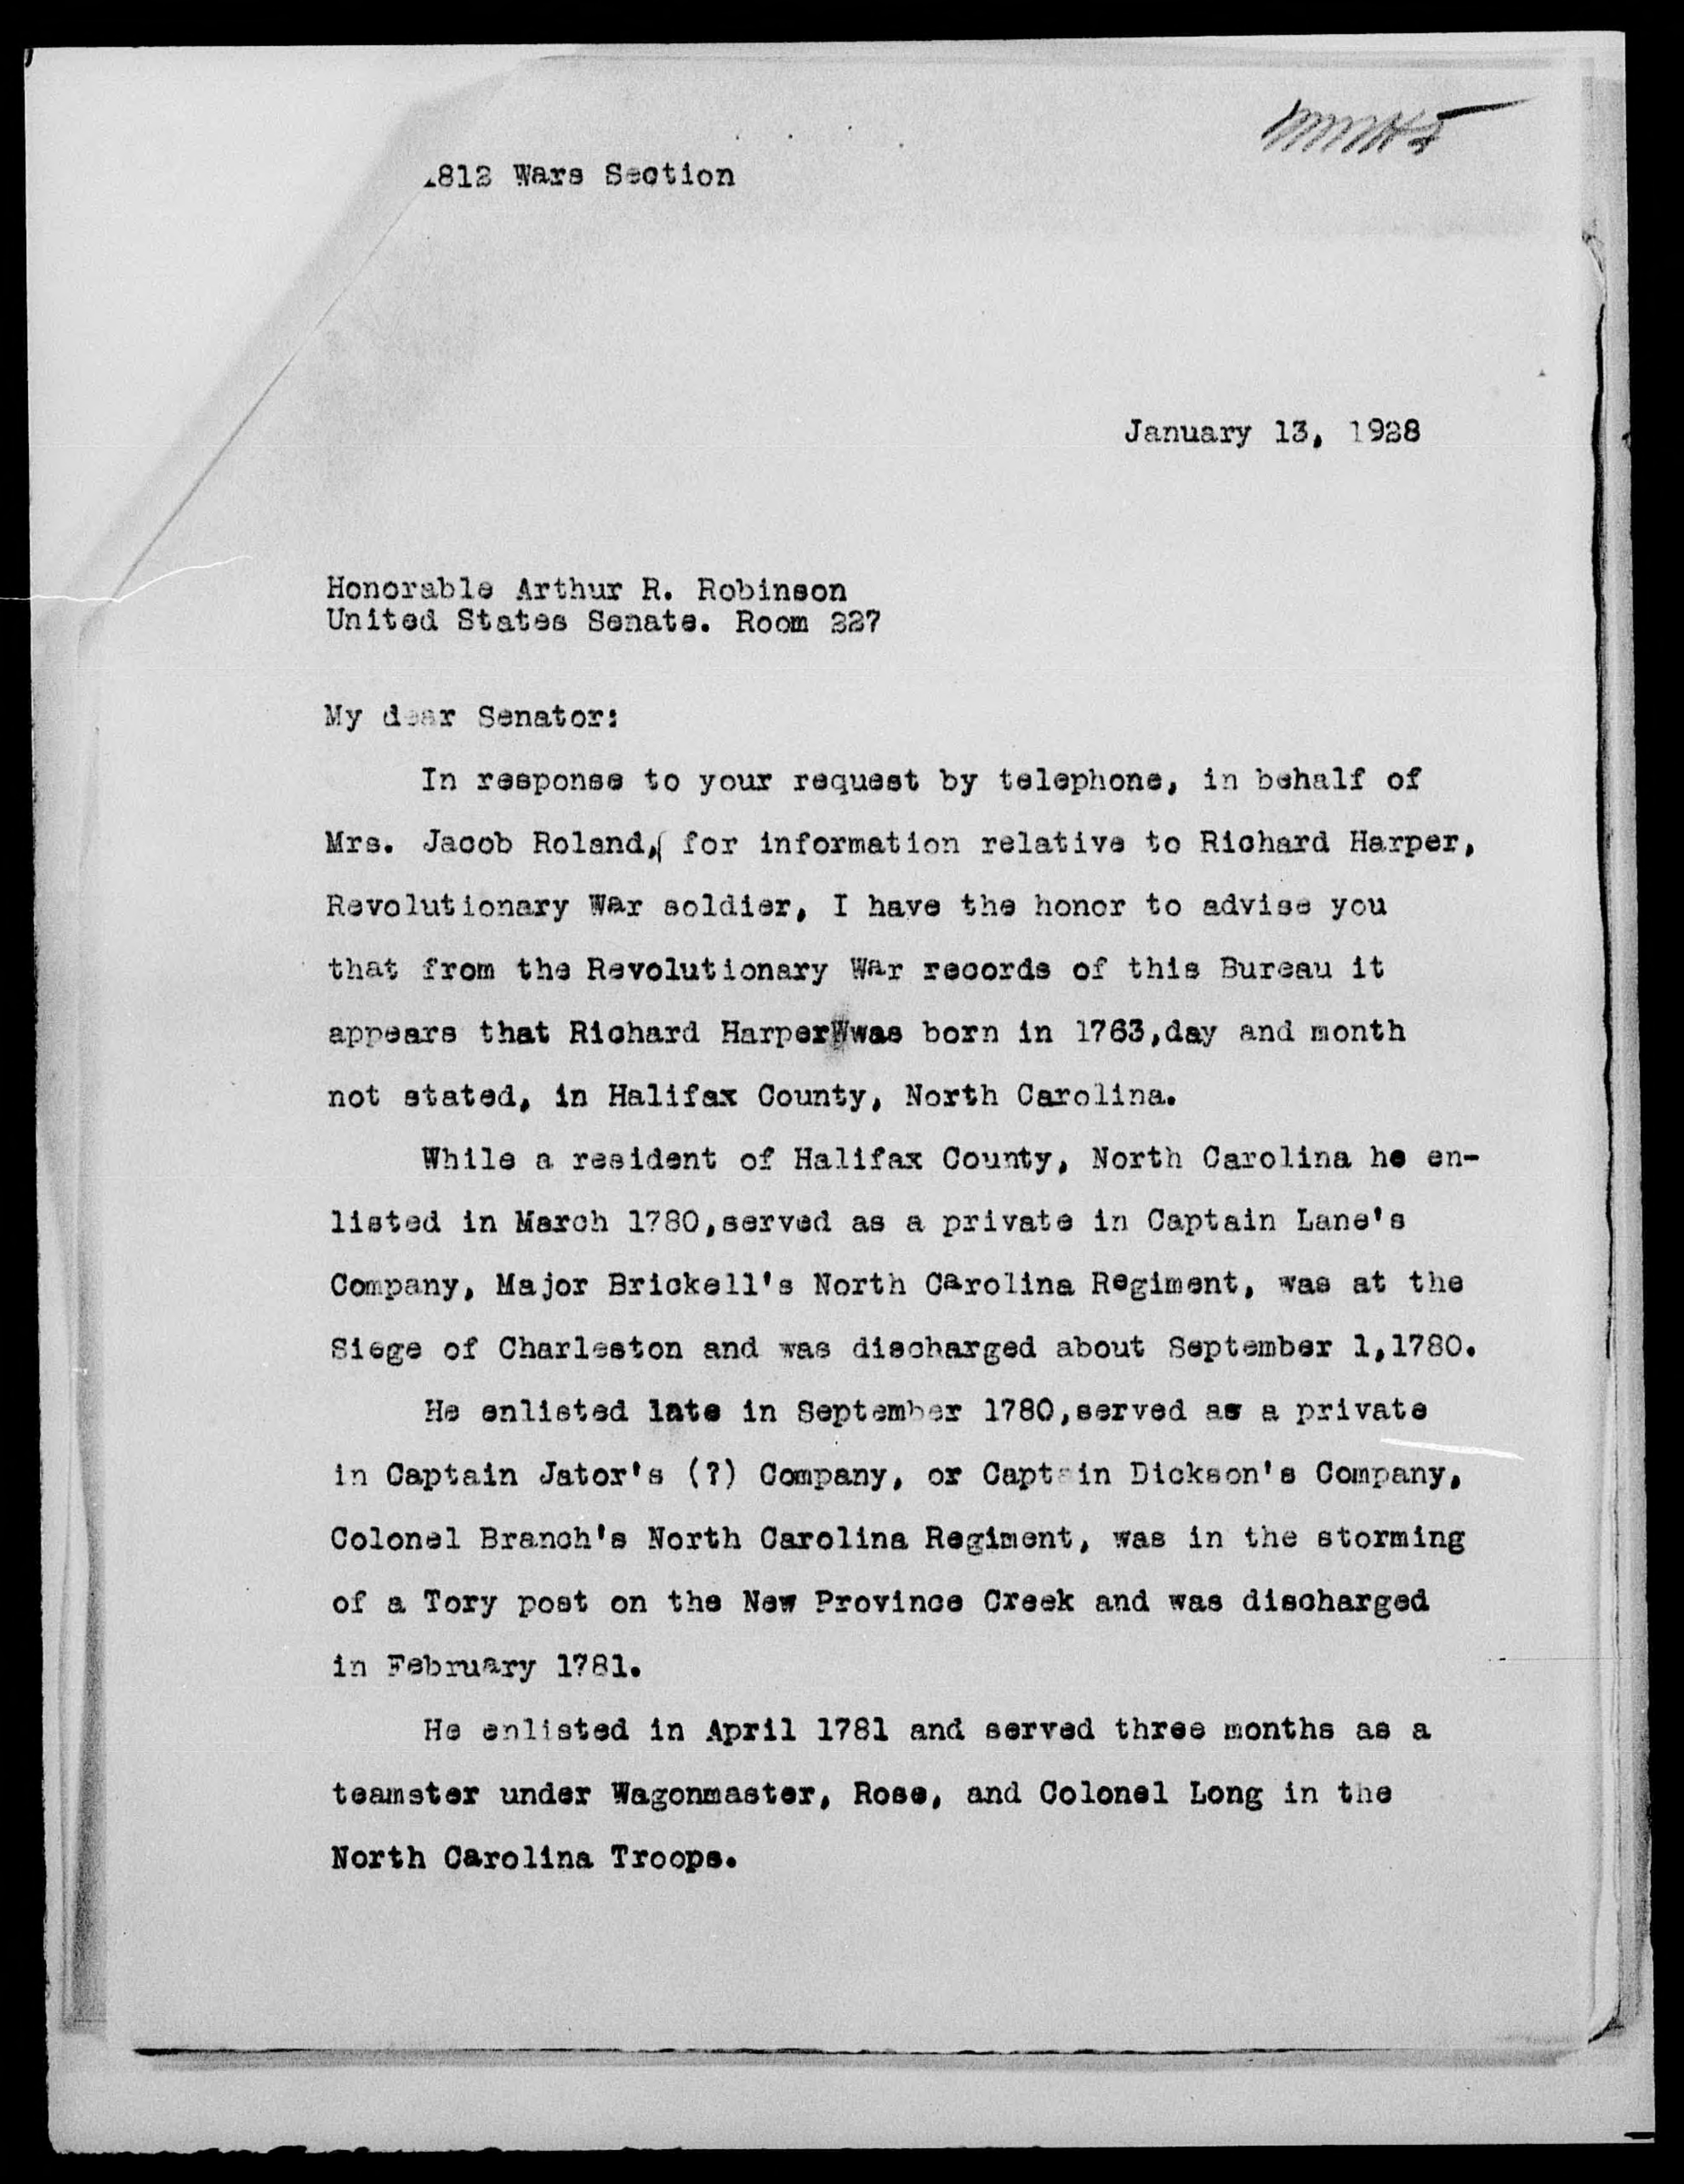[1]812 Wars Section

January 13, 1928

Honorable Arthur R. Robinson
United States Senate. Room 227

My dear Senator:

In response to your request by telephone, in behalf of Mrs. Jacob Roland, for information relative to Richard Harper, Revolutionary War soldier, I have the honor to advise you that from the Revolutionary War records of this Bureau it appears that Richard Harper was born in 1764, day and month not stated, in Halifax County, North Carolina.

While a resident of Halifax County, North Carolina he enlisted in March 1780, served as a private in Captain Lane's Company, Major Brickell's North Carolina Regiment, was at the Siege of Charleston and was discharged about September 1, 1780.

He enlisted in September 1780, served as a private in Captain Jator's (?) Company, or Captain Dickson's Company, Colonel Branch's North Carolina Regiment, was in the storming of a Tory post on the New Province Creek and was discharged in February 1781.

He enlisted in April 1781 and served three months as a teamster under Wagonmaster, Rose, and Colonel Long in the North Carolina Troops.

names: Richard Harper, Richard Harper, Jacob Roland, Long, Rose, Arthur R Robinson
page: 40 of 81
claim: survivor's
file: S. 1908, Richard Harper, N.C.